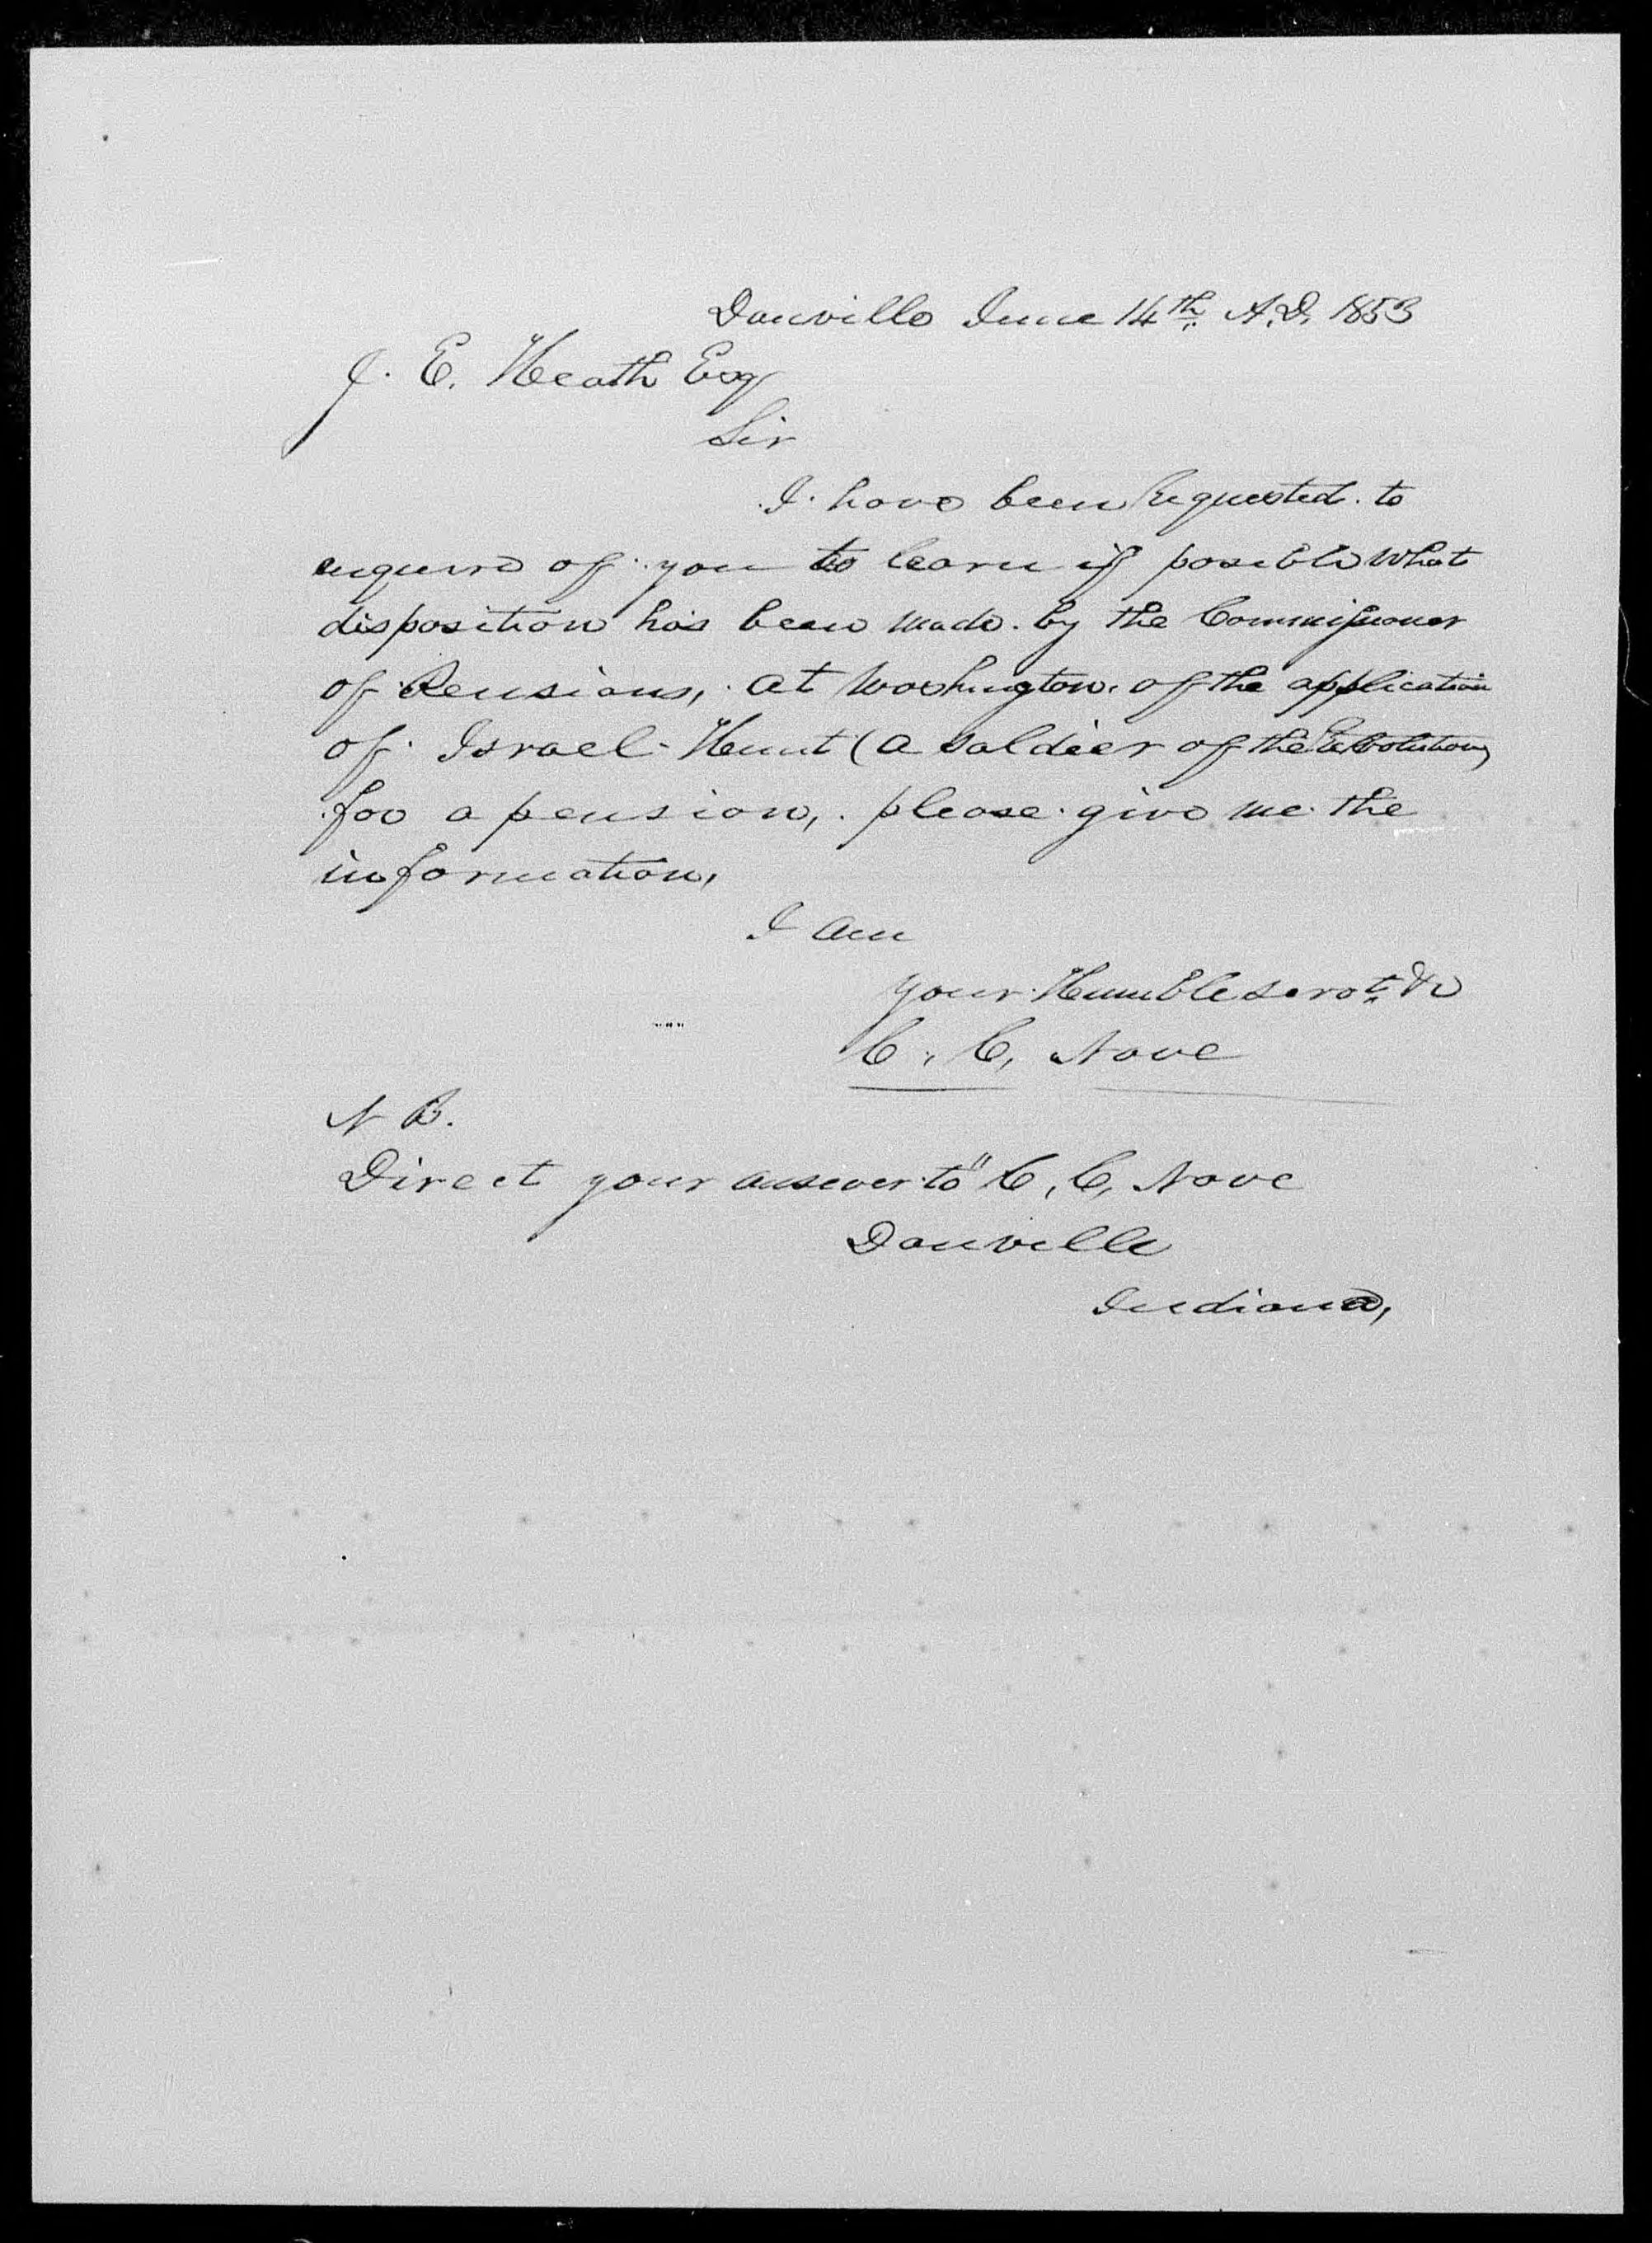Danville June 14th A.D. 1853
J.E. Heath Esq.

Sir
I have been requested to require of you to learn if possible what disposition has been made by the Commissioner of Pensions at Washington of the application of Israel Hunt (a soldier of the Revolution) for a pension.  Please give me the information.
I am
Your humble servant
C. C. Nove

N.B. Direct your answer to C.C. Nove
Danville, Indiana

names: C C Nove; Israel Hunt; J E Heath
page: 16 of 18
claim: rejected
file: R. 5393, for Israel Hunt, New Jersey